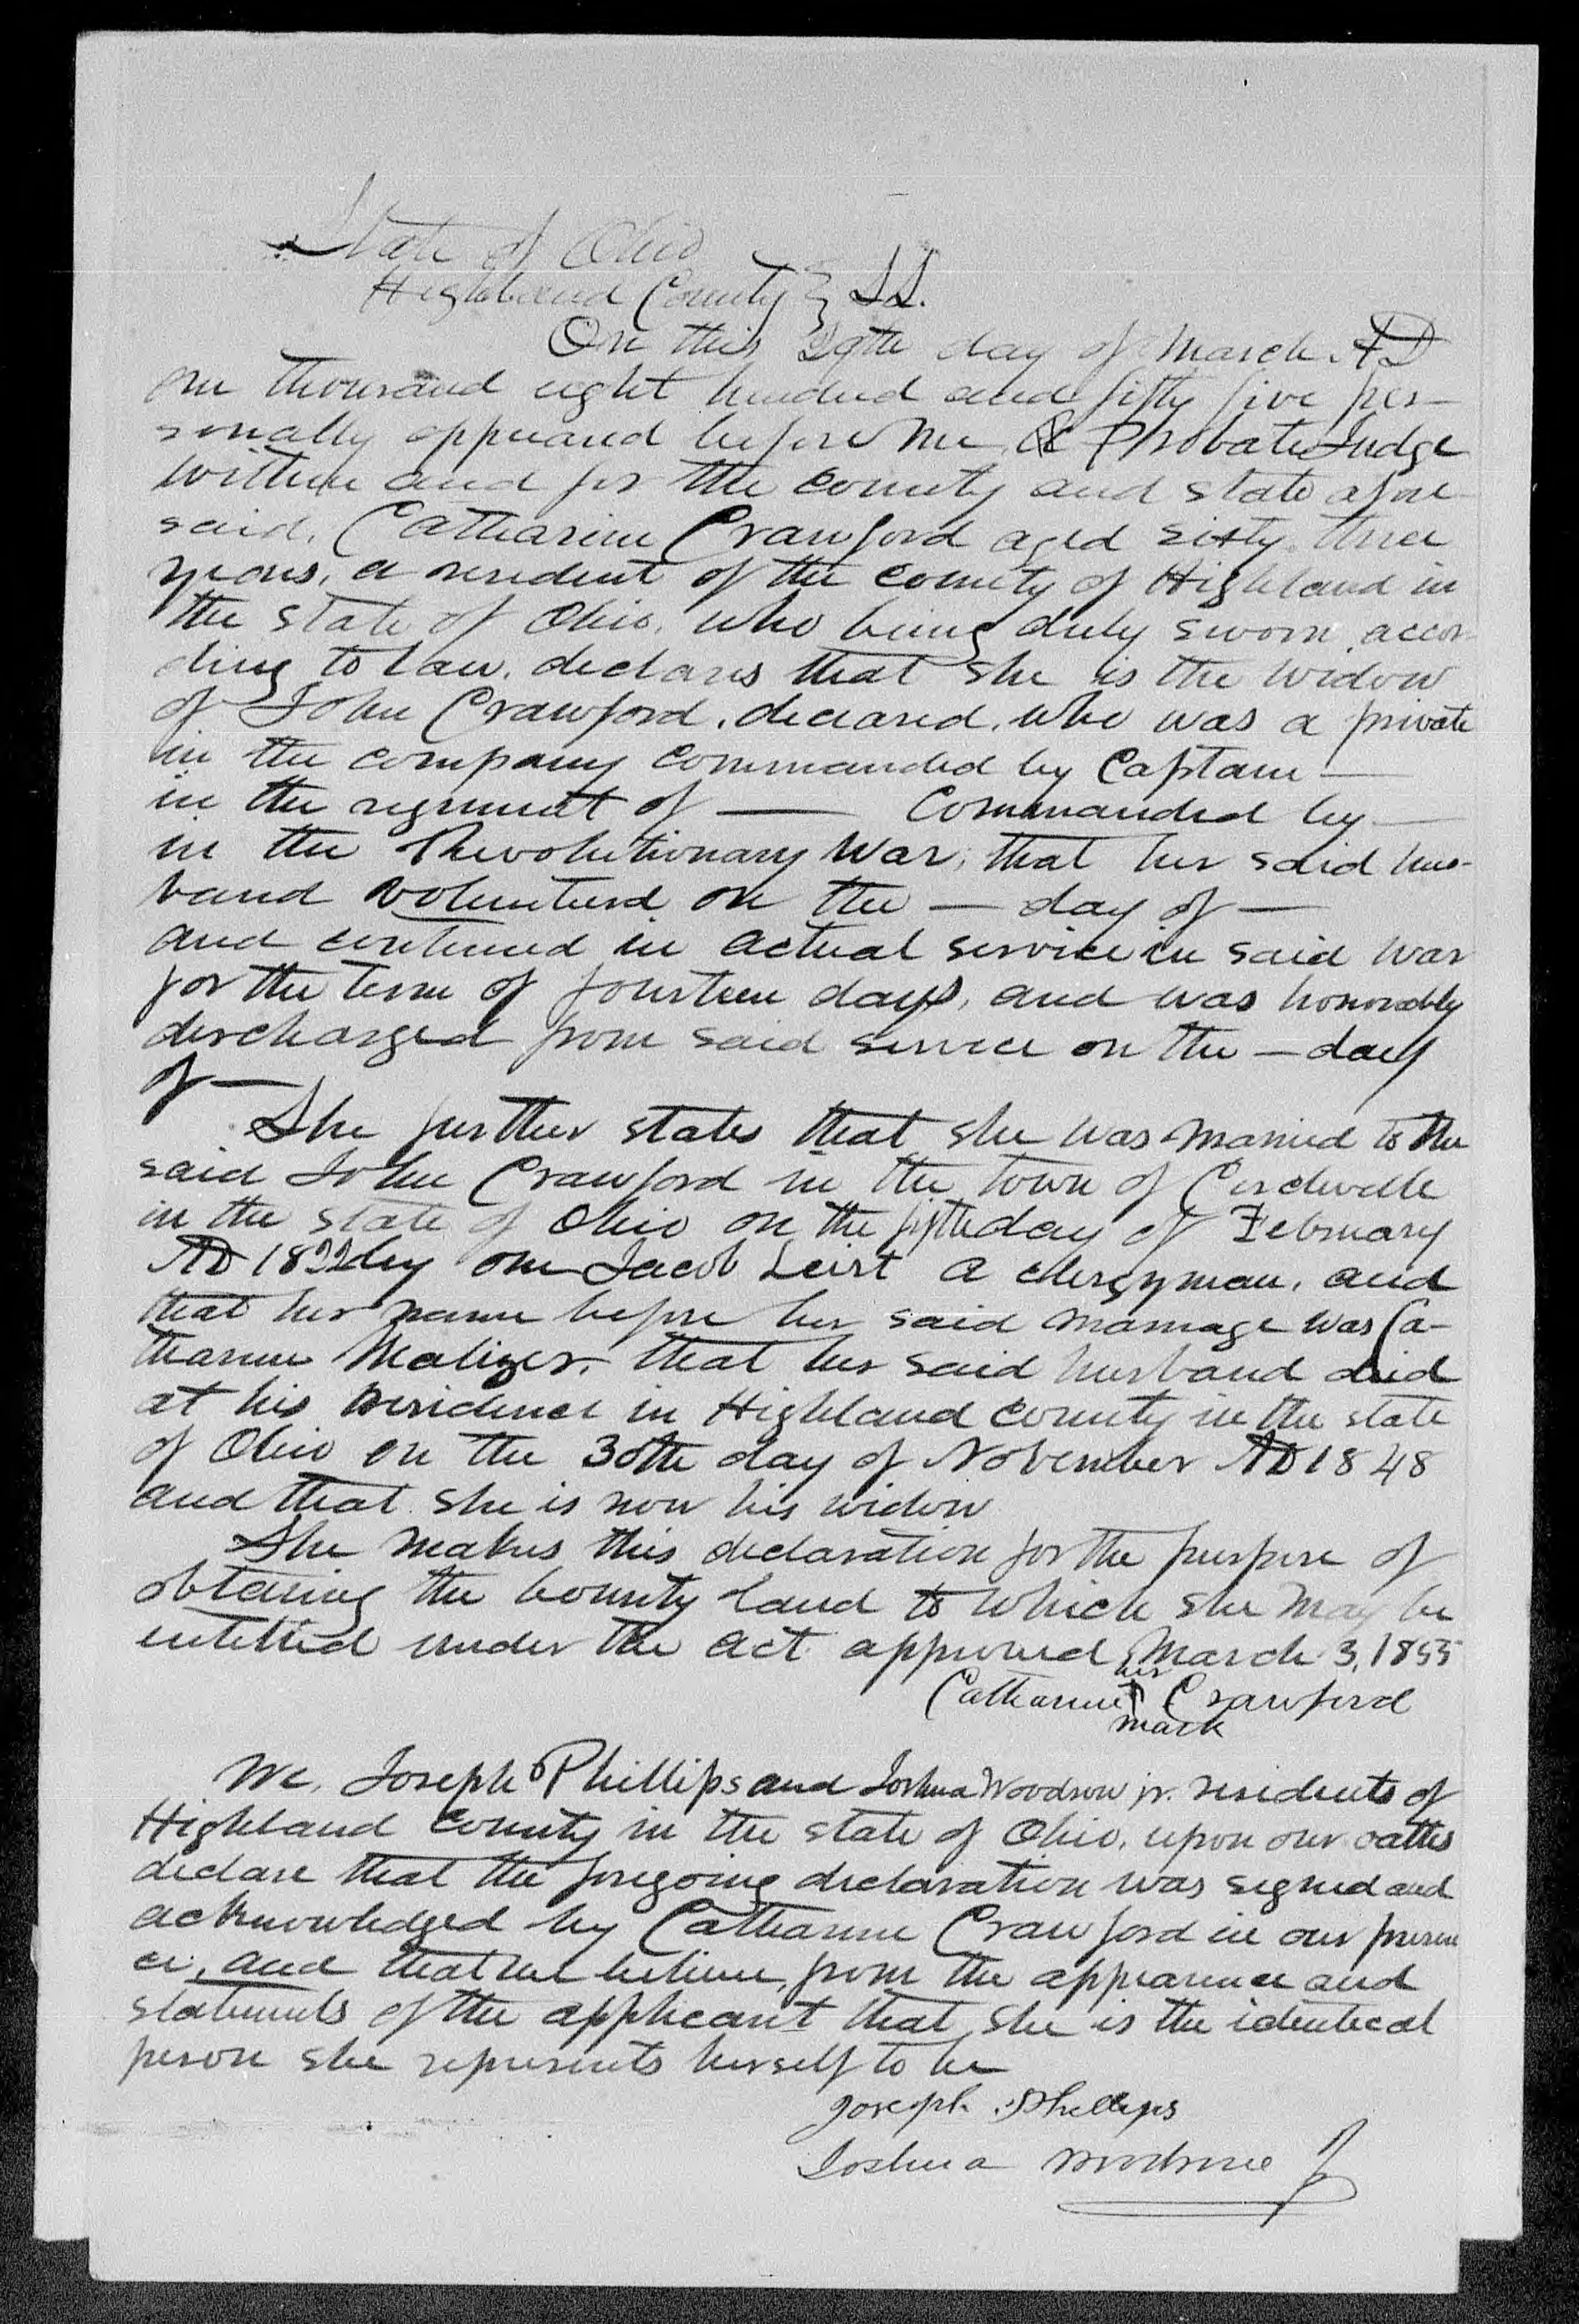State of Ohio
Highland County SS.

On this 29th day of March AD one thousand eight hundred and fifty five personally appeared before me, the Probate Judge within and for the county and state afore said, Catharine Crawford aged sixty three years, a resident of the County of Highland in the State of Ohio, who being duly sworn, according to law, declares that she is the widow of John Crawford, deceased, who was a private
in the company commanded by Captain ___
in the regiment of ___ commanded
by ___ in the Revolutionary War; that her said husband volunteered on the ___ day of ___ and continued in actual service in said war for the term of fourteen days, and was honorably discharged from said service on the ___ day of ___, 
She further states that she was married to the said John Crawford in the town of Cordwelle[?] in the State of Ohio on the fifth day of February AD 1822 by one Jacob Leist, a clergyman, and that her name before her said marriage was Athanus Malizer,[?] that her said husband died at his residence in Highland County in the state of Ohio on the 30th day of November AD 1848 and that she is now his widow

She makes this declaration for the purpose of obtaining the bounty land to which she may be entitled under the act approved March 3, 1853
Catharine Crawford

We, Joseph Phillips and Joshua Woodson jr, residents of Highland County in the State of Ohio, upon our oaths declare that the foregoing declaration was signed and
acknowledged by Catharine Crawford in our presence and that we believe, from the appearance and statements of the applicant that she is the identical person she represents herself to be
Joseph Phillips
Joshua Woodson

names: Jacob Leist, Joseph Phillips, John Crawford, Joshua Woodson, Catharine Crawford, Joseph Phillips, Joshua Woodson, Catharine Crawford, John Crawford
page: 13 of 80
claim: widow's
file: W 2070, John Crawford, Penn.